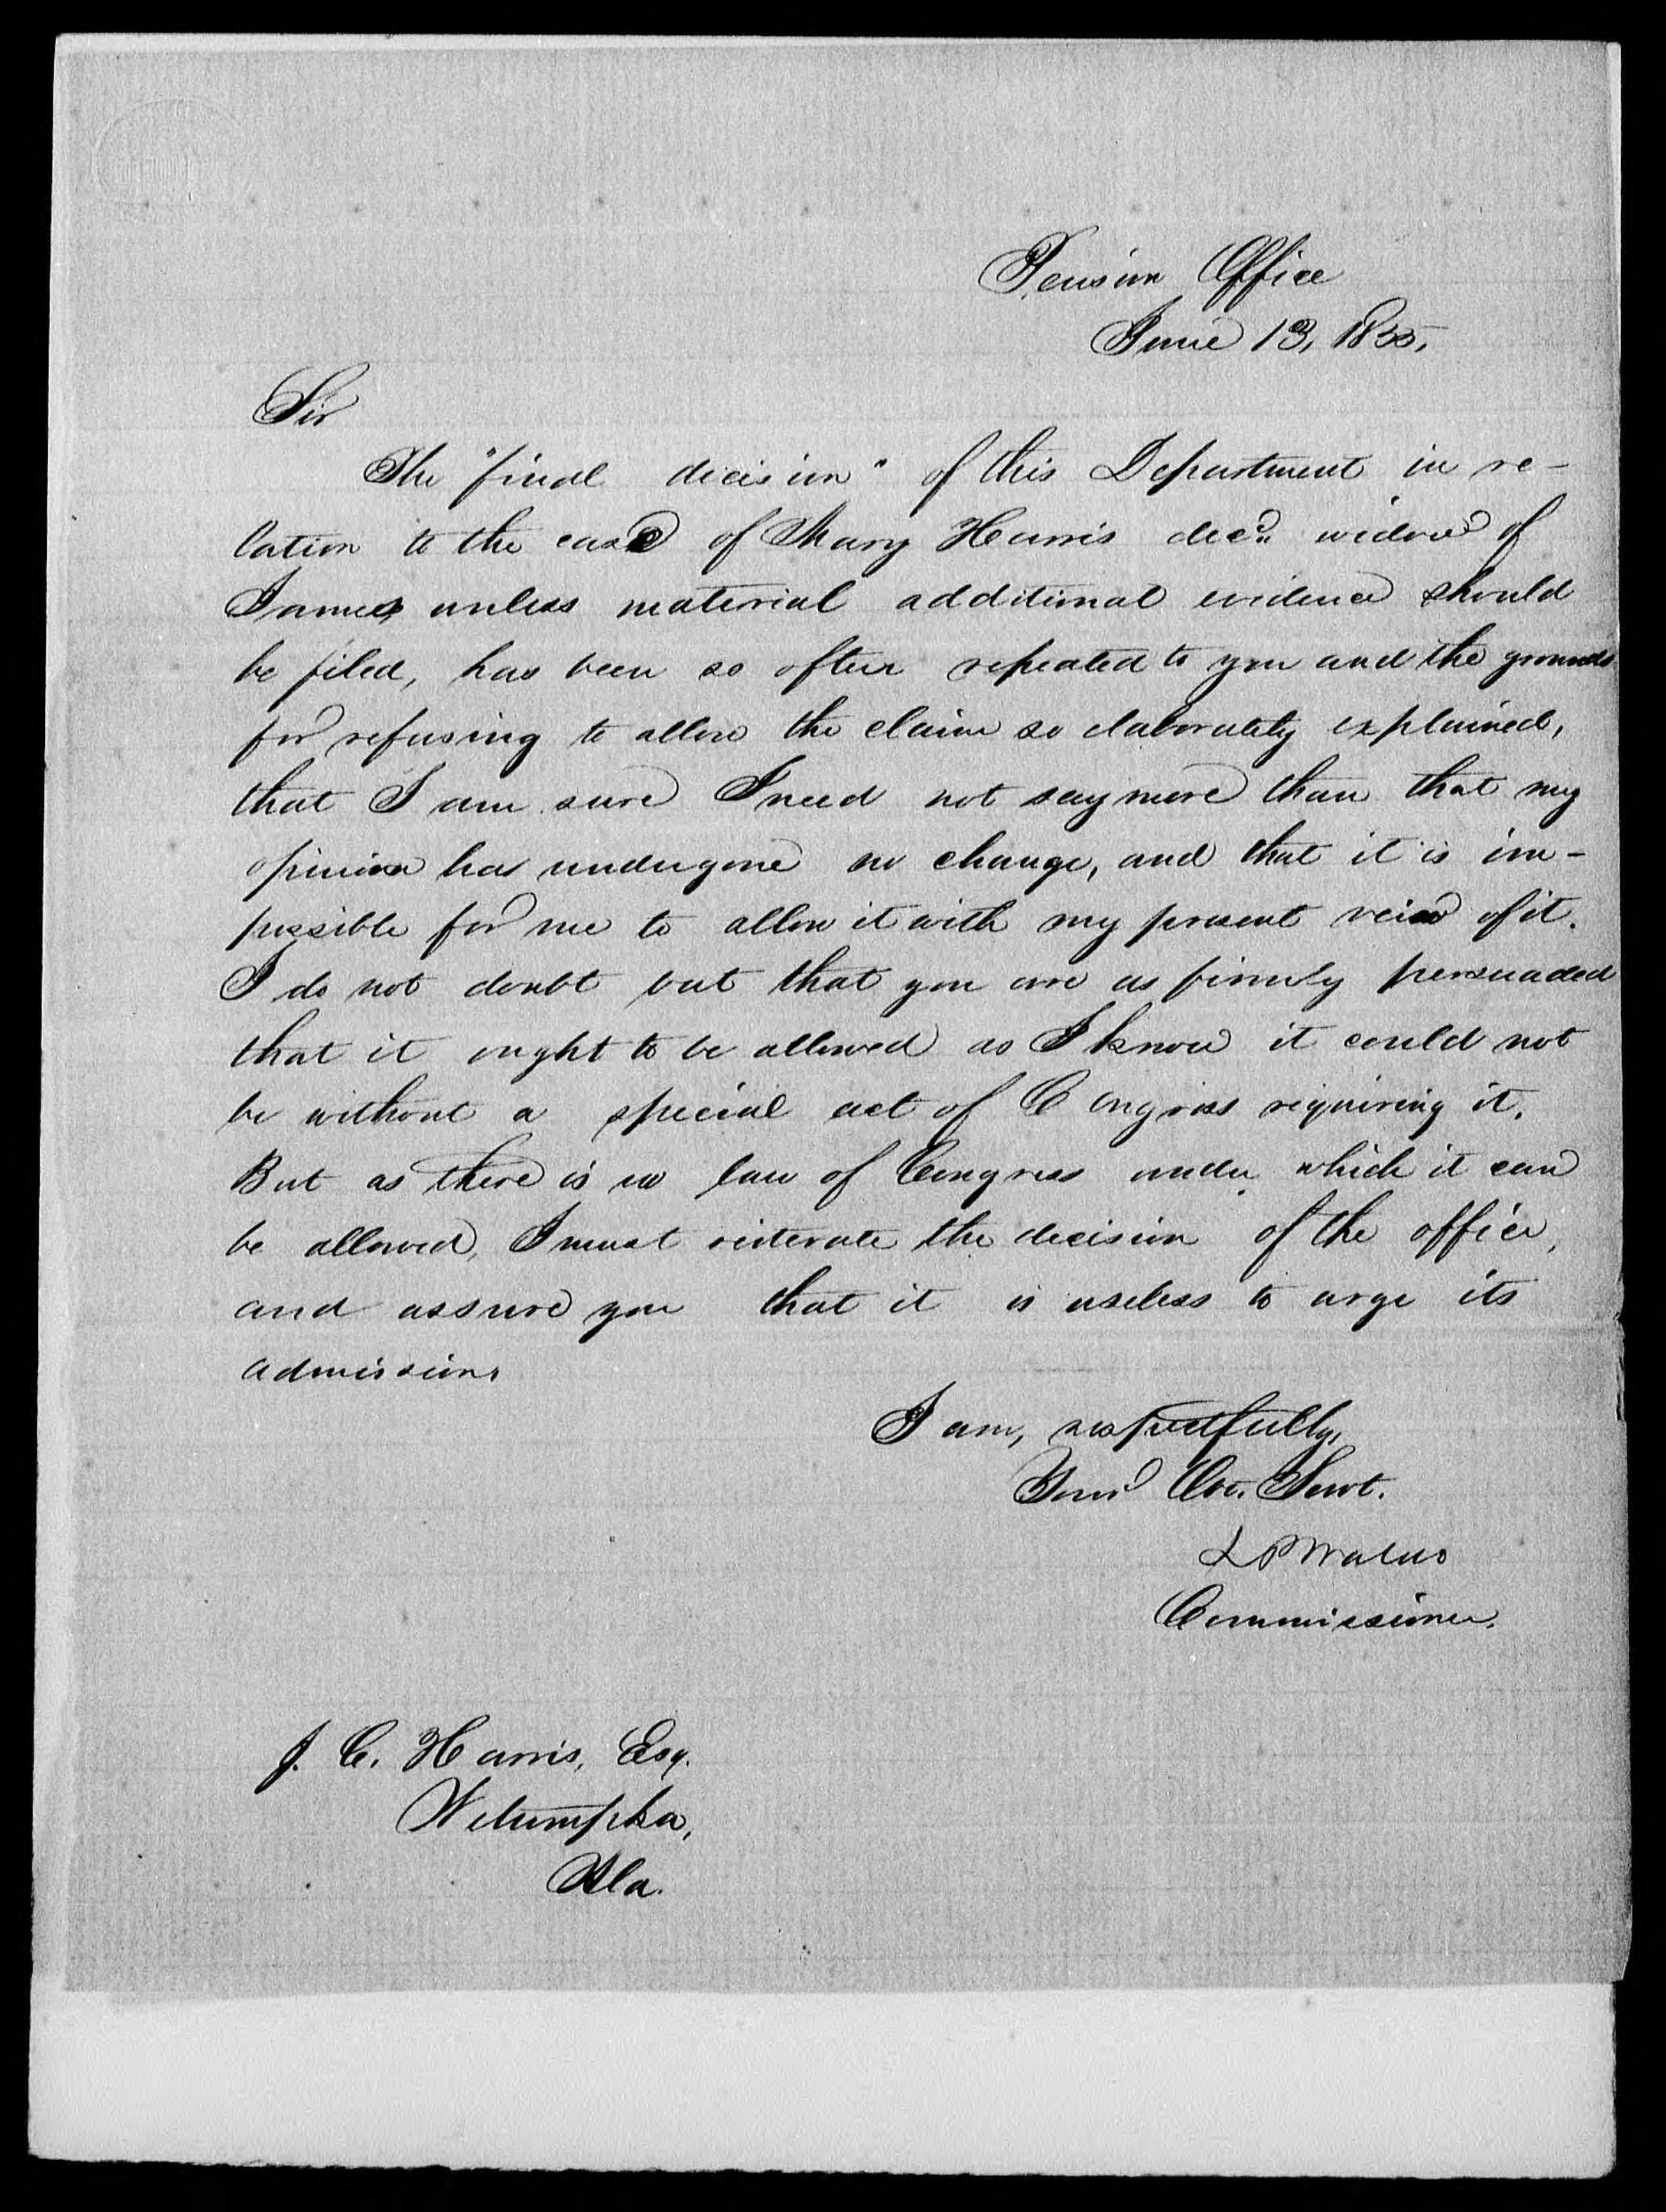Pension Office
June 13, 1855

Sir
The 'final decision" of this Department in relation to the case of Mary Harris decd widow of James unless material additional evidence should be filed, has been so often reported to you and the grounds for refusing to allow the claim as so elaborately explained, that I am sure I need not say more than that my opinion has undergone no change, and that it is impossible for me to allow it with any present view of it.  I do not doubt but that you are as firmly persuaded that it ought to be allowed as I know it could not be without a special act of Congress requiring it.  But as there is no law of Congress under which it can be allowed, I must reiterate the decision of the office and assure you that it is useless to urge its admission.
I am, respectfully,
Your Obt. Servt.
L P Waldo
Commissioner

J. C. Harris, Esq.
Wetumpka
Ala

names: Mary Harris, James Harris, J C Harris, L P Waldo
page: 84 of 160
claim: rejected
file: R. 4666, James Harris, Va.